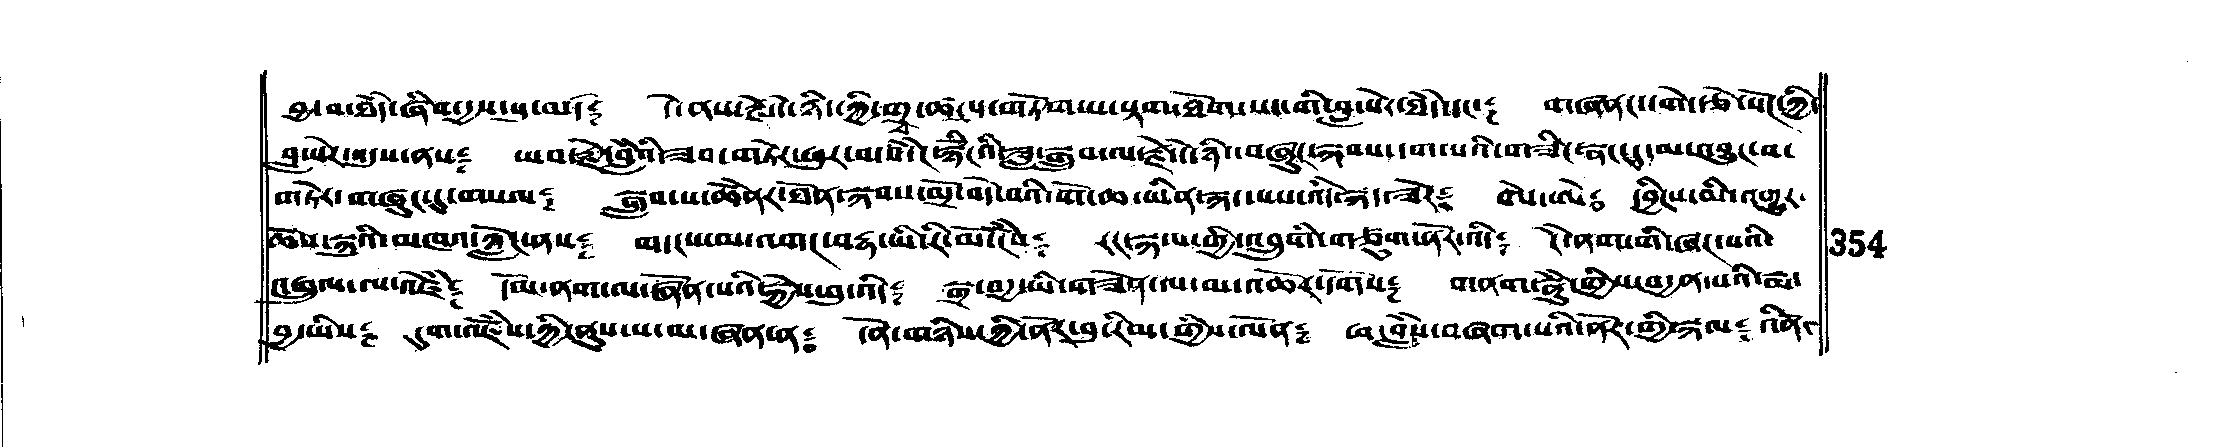བྱ་བ་ཐམས་ཅད་ཞིབ་རྒྱས་སུ་མཛད། དེ་ནས་རྗེ་དེ་ཉིད་ཀྱི་གྲྭ་ཚང་སུ་གཏོགས་པ་སྟག་ཐོག་སང་གི་བླ་སེར་ཐམས་ཅད་དང་། གཞན་ཡང་དགེ་རྩེ་སོགས་ཀྱི་
བླ་སེར་འདུས་ནས། ཡབ་རྗེ་བླ་མའི་ཟབ་གཏེར་ཕུར་པ་བདེ་བཤེགས་སྙིང་པོའི་ཟླ་སྒྲུབ་ལ་རྗེ་དེ་ཉིད་བཞུགས་སྐབས་དག་པའི་གཟིགས་སྣང་དུ་མ་འབྱུང་བ་
གཏེར་གཞུང་དུ་གསལ། སྒྲུབ་པ་ཆེན་པོར་ཐོན་སྐབས་མཁའ་འགྲོ་བདེ་བའི་གོ་ཆ་ཡིན་སྐད་པས་འདི་སྐད་ཟེར། ཨེ་ཨེཿ དབྱིངས་མི་འགྱུར་
ཆོས་སྐུའི་མཁའ་ཀློང་ནས། །གདངས་མ་འགགས་བརྡ་ཡི་རི་མོ་ངོམས། །རང་སྐལ་གྱི་འབྲུག་གི་གཙུག་ནོར་འདི། །ངམ་ནག་གི་ཞགས་པའི་
འཕྲུལ་ལ་འཛེམ། །དོམ་ནག་ལ་ཞོན་པའི་སྐྱེས་བུ་འདི། །སྒྲ་བརྒྱ་ཡི་གཟོན་ལ་མ་འཆོར་དགོས། །གནག་སྣུམ་གྱིས་བརྒྱན་པའི་རྨ་
བྱ་ཡིས། །དུག་འཇོམས་ཀྱི་ནུས་པ་མ་ཞན་ན། །དོན་གཉིས་ཀྱི་ནོར་བུ་རིམ་གྱིས་ལོན། །ཕ་བླ་མས་བཞག་པའི་ནོར་གྱི་སྐལ། །འཛིན་